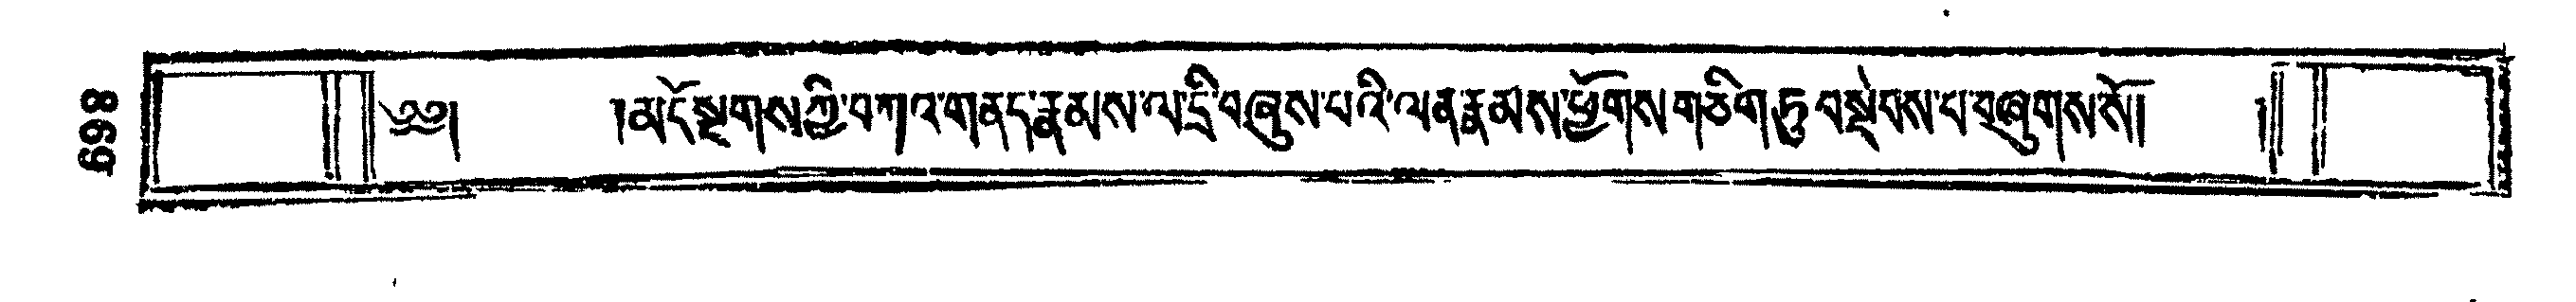༄༅། །མདོ་སྔགས་ཀྱི་བཀའ་གནད་རྣམས་ལ་དྲི་བ་ཞུས་པའི་ལན་རྣམས་ཕྱོགས་གཅིག་ཏུ་བསྡེབས་པ་བཞུགས་སོ། །